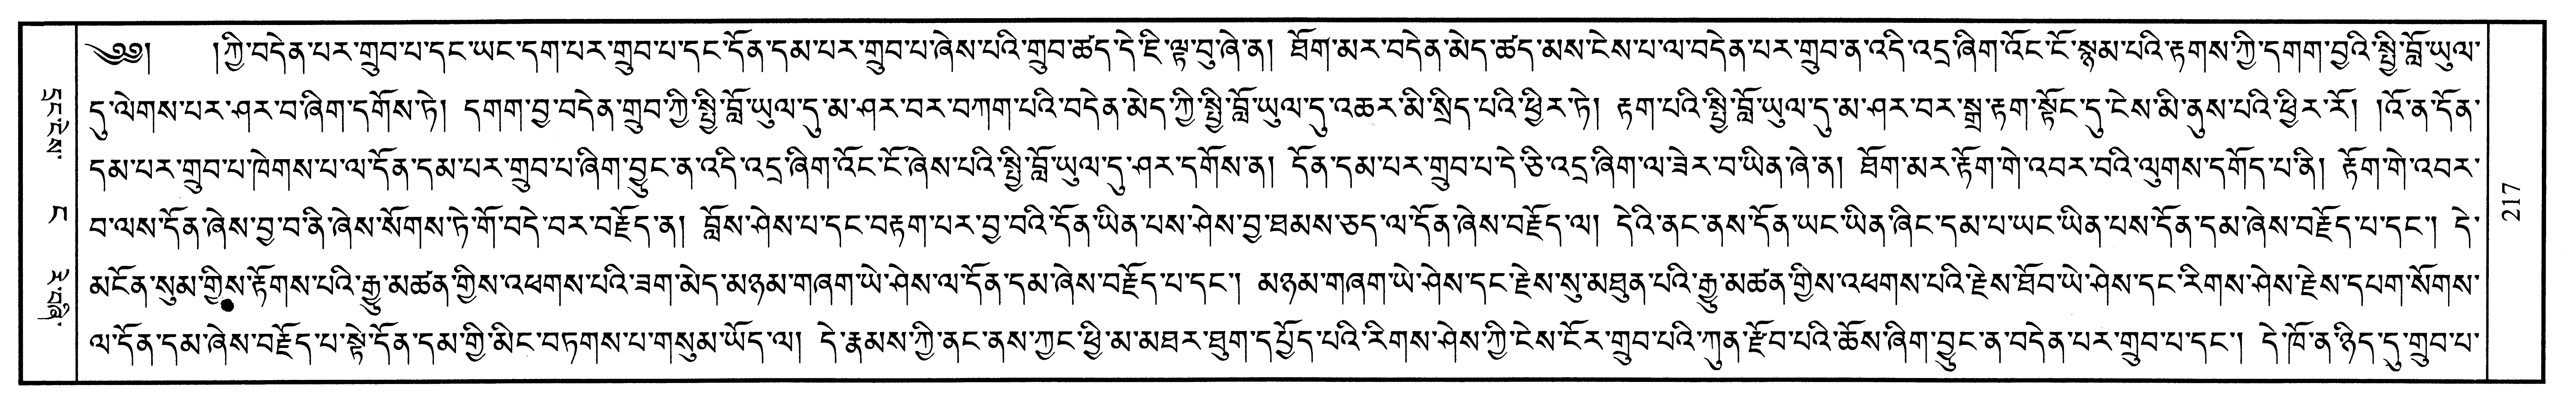༄༅། །ཀྱི་བདེན་པར་གྲུབ་པ་དང་ཡང་དག་པར་གྲུབ་པ་དང་དོན་དམ་པར་གྲུབ་པ་ཞེས་པའི་གྲུབ་ཚད་དེ་ཇི་ལྟ་བུ་ཞེ་ན། ཐོག་མར་བདེན་མེད་ཚད་མས་ངེས་པ་ལ་བདེན་པར་གྲུབ་ན་འདི་འདྲ་ཞིག་འོང་ངོ་སྙམ་པའི་རྟགས་ཀྱི་དགག་བྱའི་སྤྱི་བློ་ཡུལ་
དུ་ལེགས་པར་ཤར་བ་ཞིག་དགོས་ཏེ། དགག་བྱ་བདེན་གྲུབ་ཀྱི་སྤྱི་བློ་ཡུལ་དུ་མ་ཤར་བར་བཀག་པའི་བདེན་མེད་ཀྱི་སྤྱི་བློ་ཡུལ་དུ་འཆར་མི་སྲིད་པའི་ཕྱིར་ཏེ། རྟག་པའི་སྤྱི་བློ་ཡུལ་དུ་མ་ཤར་བར་སྒྲ་རྟག་སྟོང་དུ་ངེས་མི་ནུས་པའི་ཕྱིར་རོ། །འོ་ན་དོན་
དམ་པར་གྲུབ་པ་ཁེགས་པ་ལ་དོན་དམ་པར་གྲུབ་པ་ཞིག་བྱུང་ན་འདི་འདྲ་ཞིག་འོང་ངོ་ཞེས་པའི་སྤྱི་བློ་ཡུལ་དུ་ཤར་དགོས་ན། དོན་དམ་པར་གྲུབ་པ་དེ་ཅི་འདྲ་ཞིག་ལ་ཟེར་བ་ཡིན་ཞེ་ན། ཐོག་མར་རྟོག་གེ་འབར་བའི་ལུགས་དགོད་པ་ནི། རྟོག་གེ་འབར་
བ་ལས་དོན་ཞེས་བྱ་བ་ནི་ཞེས་སོགས་ཏེ་གོ་བདེ་བར་བརྗོད་ན། བློས་ཤེས་པ་དང་བརྟག་པར་བྱ་བའི་དོན་ཡིན་པས་ཤེས་བྱ་ཐམས་ཅད་ལ་དོན་ཞེས་བརྗོད་ལ། དེའི་ནང་ནས་དོན་ཡང་ཡིན་ཞིང་དམ་པ་ཡང་ཡིན་པས་དོན་དམ་ཞེས་བརྗོད་པ་དང་། དེ་
མངོན་སུམ་གྱིས་རྟོགས་པའི་རྒྱུ་མཚན་གྱིས་འཕགས་པའི་ཟག་མེད་མཉམ་གཞག་ཡེ་ཤེས་ལ་དོན་དམ་ཞེས་བརྗོད་པ་དང་། མཉམ་གཞག་ཡེ་ཤེས་དང་རྗེས་སུ་མཐུན་པའི་རྒྱུ་མཚན་གྱིས་འཕགས་པའི་རྗེས་ཐོབ་ཡེ་ཤེས་དང་རིགས་ཤེས་རྗེས་དཔག་སོགས་
ལ་དོན་དམ་ཞེས་བརྗོད་པ་སྟེ་དོན་དམ་གྱི་མིང་བཏགས་པ་གསུམ་ཡོད་ལ། དེ་རྣམས་ཀྱི་ནང་ནས་ཀྱང་ཕྱི་མ་མཐར་ཐུག་དཔྱོད་པའི་རིགས་ཤེས་ཀྱི་ངེས་ངོར་གྲུབ་པའི་ཀུན་རྫོབ་པའི་ཆོས་ཞིག་བྱུང་ན་བདེན་པར་གྲུབ་པ་དང་། དེ་ཁོ་ན་ཉིད་དུ་གྲུབ་པ་